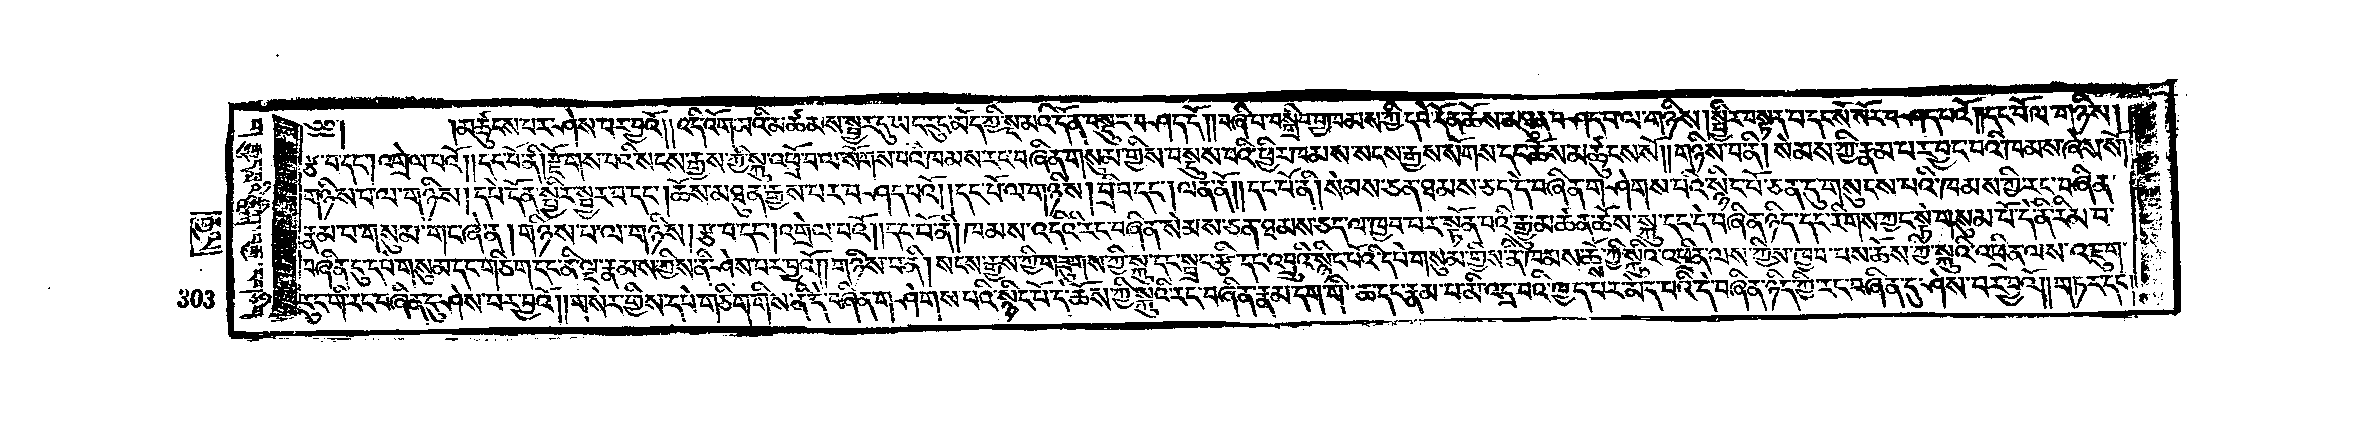༄༅། །མཚུངས་པར་ཤེས་པར་བྱའོ། །འདི་འོག་མའི་མཚམས་སྦྱར་དུ་ཡང་རུང་མོད་ཀྱི་སྔ་མའི་དོན་བསྡུར་བཤད་དོ། །བཞི་པ་བསྒྲིབ་བྱ་ཁམས་ཀྱི་དཔེ་དོན་ཆོས་མཐུན་བཤད་པ་ལ་གཉིས། སྤྱིར་བསྟན་པ་དང་སོ་སོར་བཤད་པའོ། །དང་པོ་ལ་གཉིས།
རྩ་བ་དང་། འགྲེལ་པའོ། །དང་པོ་ནི། རྫོགས་པའི་སངས་རྒྱས་ཀྱི་སྐུ་འཕྲོ་བ་ལ་སོགས་པའི་ཁམས་རང་བཞིན་གསུམ་གྱིས་བསྡུས་པའི་ཕྱིར་ཁམས་སངས་རྒྱས་སོགས་དང་ཆོས་མཚུངས་སོ། །གཉིས་པ་ནི། སེམས་ཀྱི་རྣམ་པར་བྱང་བའི་ཁམས་ཞེས་སོ། །
གཉིས་པ་ལ་གཉིས། དཔེ་དོན་སྤྱིར་སྦྱར་བ་དང་། ཆོས་མཐུན་རྒྱས་པར་བཤད་པའོ། །དང་པོ་ལ་གཉིས། བྲི་བ་དང་། ལན་ནོ། །དང་པོ་ནི། སེམས་ཅན་ཐམས་ཅད་དེ་བཞིན་གཤེགས་པའི་སྙིང་པོ་ཅན་དུ་གསུངས་པའི་ཁམས་ཀྱི་རང་བཞིན་
རྣམ་པ་གསུམ་གང་ཞེ་ན། གཉིས་པ་ལ་གཉིས། རྩ་བ་དང་། འགྲེལ་པའོ། །དང་པོ་ནི། ཁམས་འདིའི་རང་བཞིན་སེམས་ཅན་ཐམས་ཅད་ལ་ཁྱབ་པར་སྟོན་པའི་རྒྱུ་མཚན་ཆོས་སྐུ་དང་དེ་བཞིན་ཉིད་དང་རིགས་ཀྱང་སྟེ་གསུམ་པོ་དེ་ནི་རིམ་པ་
བཞིན་དུ་དཔེ་གསུམ་དང་གཅིག་དང་ནི་ལྔ་རྣམས་ཀྱིས་ནི་ཤེས་པར་བྱའོ། །གཉིས་པ་ནི། སངས་རྒྱས་ཀྱི་གཟུགས་ཀྱི་སྐུ་དང་སྦྲང་རྩི་དང་འབྲུའི་སྙིང་པོའི་དཔེ་གསུམ་གྱིས་ནི་ཁམས་ཆོས་ཀྱི་སྐུའི་འཕྲིན་ལས་ཀྱིས་ཁྱབ་པས་ཆོས་ཀྱི་སྐུའི་འཕྲིན་ལས་འཇུག་
རུང་གི་རང་བཞིན་དུ་ཤེས་པར་བྱའོ། །གསེར་གྱིས་དཔེ་གཅིག་གིས་ནི་དེ་བཞིན་གཤེགས་པའི་སྙིང་པོ་དེ་ཆོས་ཀྱི་སྐུའི་རང་བཞིན་རྣམ་དག་གི་ཆ་དང་རྣམ་པ་མི་འདྲ་བའི་ཁྱད་པར་མེད་པའི་དེ་བཞིན་ཉིད་ཀྱི་རང་བཞིན་དུ་ཤེས་པར་བྱའོ། །གཏར་དང་།